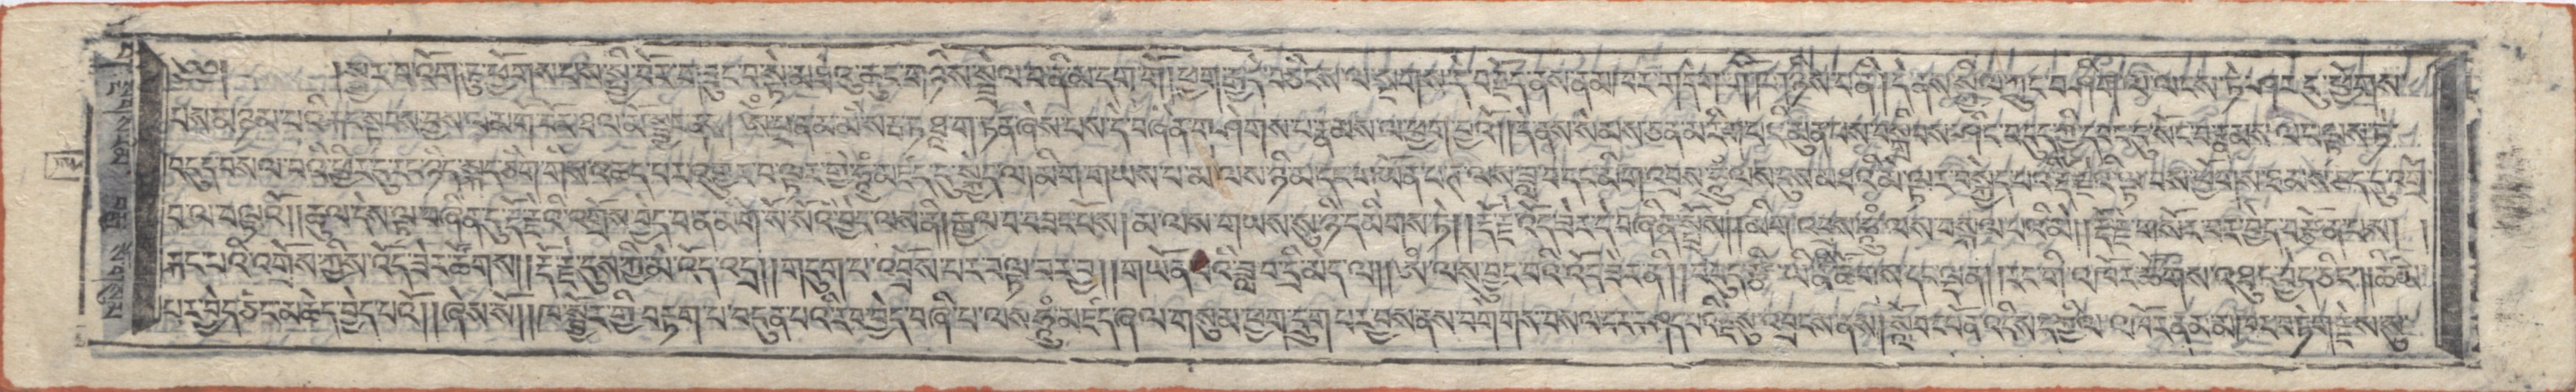༄༅། །སྦྱར་བ་འོག་ཏུ་ཕྱོགས་པས་སྤྱི་བོར་གཟུང་བ་སྟེ་མཐེའུ་ཆུང་གཉིས་སྦྲེལ་བ་ནི་མ་དག་གོ །ཕྱག་རྒྱ་དེ་བཅིངས་ལ་སྔགས་དེ་བརྗོད་ནས་ནམ་མཁར་གདེག་གོ །གཉིས་པ་ནི། དེ་ནས་སྐྱིལ་ཀྲུང་བཤིག་ལ་ལངས་ཏེ་ཤར་དུ་ཕྱོགས་
པས་མཉམ་པའི་རྐང་སྟབས་བྱས་ལ་མགོ་བོར་ཐལ་མོ་སྦྱར་ནས། ཨོཾ་པྲ་ན་མ་མི་སརྦ་ཏཐཱ་ག་ཏན་ཞེས་པས་དེ་བཞིན་གཤེགས་པ་རྣམས་ལ་ཕྱག་བྱའོ། །དེ་ནས་སེམས་ཅན་མ་རིག་པའི་མུན་པས་བསྒྲིབས་ཤིང་བདུད་ཀྱི་དབང་དུ་སོང་བ་རྣམས་ལ་བལྟས་ཏེ་
བདུད་བསལ་བའི་ཕྱིར་དུ་རང་ཉིད་སྐད་ཅིག་གིས་འཆད་པར་འགྱུར་བ་ལྟར་གྱི་ཧཱུཾ་མཛད་དུ་སྐྱེད་ལ། མིག་གཡས་པ་མ་ལས་ཉི་མ་དང་གཡོན་པ་ཊ་ལས་ཟླ་བ་དང་མིག་འབྲས་ཧཱུཾ་ལས་དུས་མཐའི་མེ་ལྟར་བསྐྱེད་པའི་རྡོ་རྗེའི་ལྟ་བས་ཕྱོགས་ཐམས་ཅད་དུ་འགྲོ་
བ་ལ་བལྟའོ། །ཆུལ་དེས་ལྟ་བཞིན་དུ་རྡོ་རྗེའི་འགྲོས་བྱེད་བ་ན་མིག་སོ་སོའི་བྱེད་ལས་ནི། རྒྱལ་བ་བཟང་པོས། མ་ལས་གཡས་སུ་ཉི་དམིགས་ཏེ། །རྡོ་རྗེ་འོད་ཟེར་དེ་བཞིན་སྤྲོས། །མིག་འབྲས་ཧཱུཾ་ལས་བསྐལ་པའི་མེ། །རྡོ་རྗེ་གསོར་བར་བྱེད་བརྩོན་པས། །
རྐང་པའི་འགྲོས་ཀྱིས་འོད་ཟེར་ཚོགས། །རྡོ་རྗེ་དུས་ཀྱི་མེ་འོད་འདྲ། །གདུག་པ་འབྲོས་པར་བལྟ་བར་བྱ། །གཡོན་པའི་ཟླ་བ་དྲི་མེད་ལ། །ཨཾ་ལས་བྱུང་བའི་འོད་ཟེར་ནི། །བདུད་རྩི་ཡི་ནི་ཚོགས་དང་ལྡན། །རང་གི་འཁོར་ཚོགས་འཐུང་བྱེད་ཅིང་། །ཚིམ་
པར་བྱེད་ཅིང་མཆེད་བྱེད་པའོ། །ཞེས་སོ། །ཁ་སྦྱོར་གྱི་བརྟག་པ་བདུན་པའི་རབ་བྱེད་བཞི་པ་ལས་ཧཱུཾ་མཛད་ཞལ་གསུམ་ཕྱག་དྲུག་པར་བྱས་ནས་བགེགས་བསལ་བར་བཤད་པའི་རྗེས་སུ་འབྲངས་ནས། སློབ་དཔོན་འདིས་དཀྱིལ་འཁོར་ནམ་མཁར་བཏེག་རྗེས་སུ་